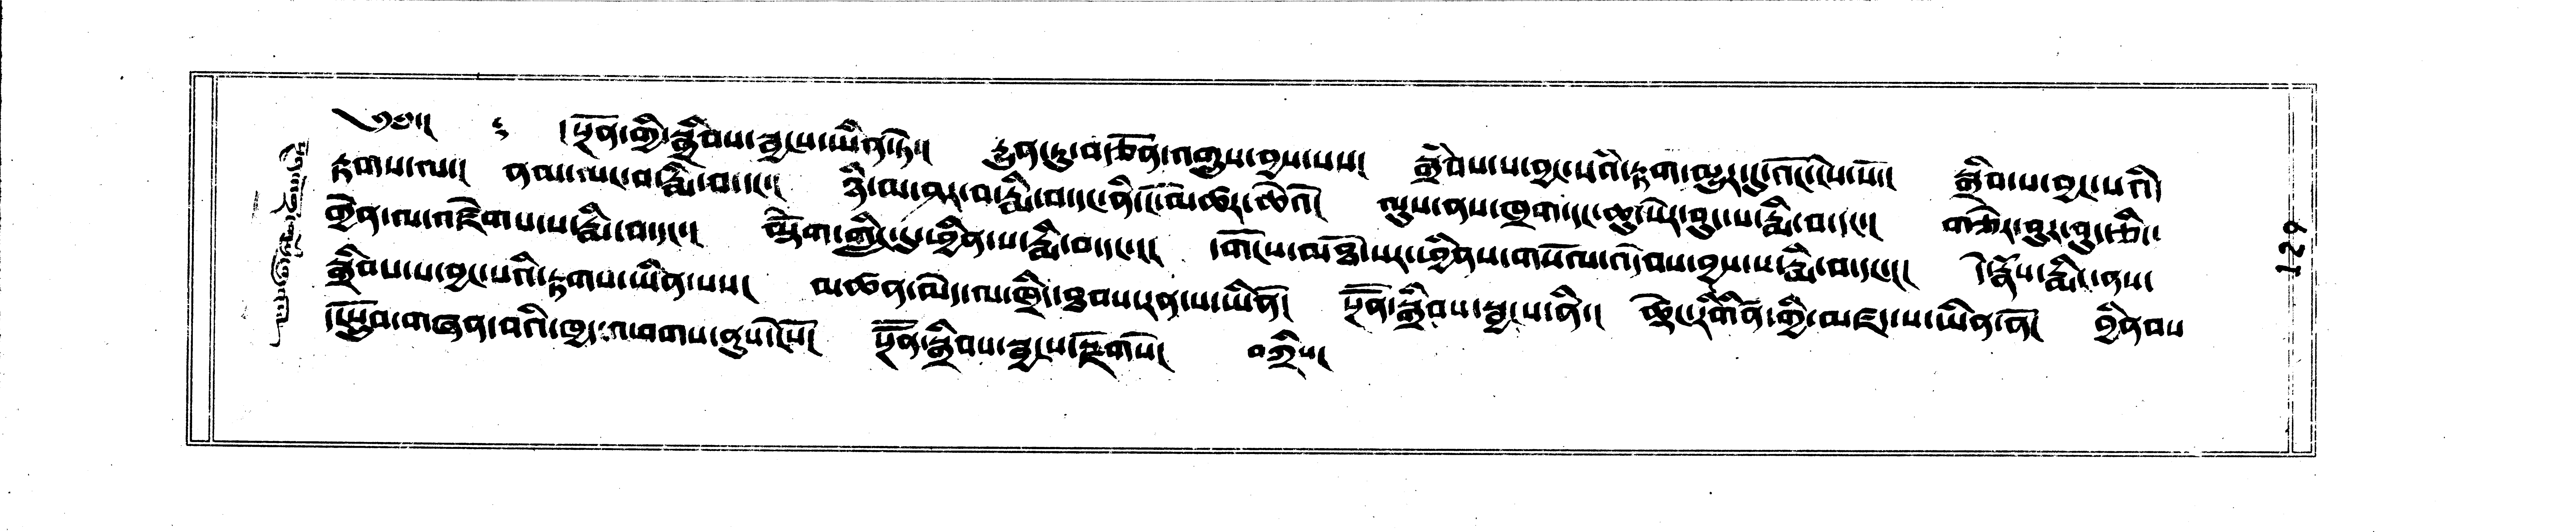སྔོན་གྱི་སྒྲིབ་སྦྱང་ཡིན་ཏེ། རྒྱུན་དུ་བརྩོན་འགྲུས་བྱས་པས། སྒྲིབ་པ་བྱང་བའི་རྟགས་མྱུར་དུ་འོང་ངེས་སོ། །སྒྲིབ་པ་བྱང་པའི་
རྟགས་ལ། ནམ་ལང་བ་རྨི་བ་དང་། ཉི་མ་ཤར་བ་རྨི་བ་དང་ནི་ངོ་མཚར་ཆེའོ། ལུས་ནས་ཁྲག་དང་ཆུ་སེར་བུད་པ་རྨི་བ་དང་། གཅེར་བུར་བུད་ཅིང་
གྱེན་ལ་འཛེགས་པ་རྨི་བ་དང་། མེ་ཏོག་གླིང་དུ་ཕྱིན་པ་རྨི་བ་དང་། དགོངས་མཐོ་པར་༼སྒང་མཐོ་སར༽ཕྱིན་ནས་གསོལ་འདེབས་བྱས་པ་རྨི་བ་དང་། དེ་རྣམས་རྨིས་ནས་
སྒྲིབ་པ་བྱང་པའི་རྟགས་ཡིན་པས། མཚན་མེད་ལ་ཁྲིད་ཐབས་རན་པ་ཡིན་ནོ། །སྔོན་འགྲོ་སྒྲིབ་སྦྱངས་ནི། ཚེ་དབང་རིག་འཛིན་གྱི་མཛད་པ་ཡིན་ནོ། བྱིན་རླབས་
དངོས་གྲུབ་གཞན་པའི་ཁྱད་འཕགས་ནུས་ངེས་སོ། སྔོན་འགྲོ་སྒྲིབ་སྦྱང་རྫོགས་སོ། །བཀྲིས།